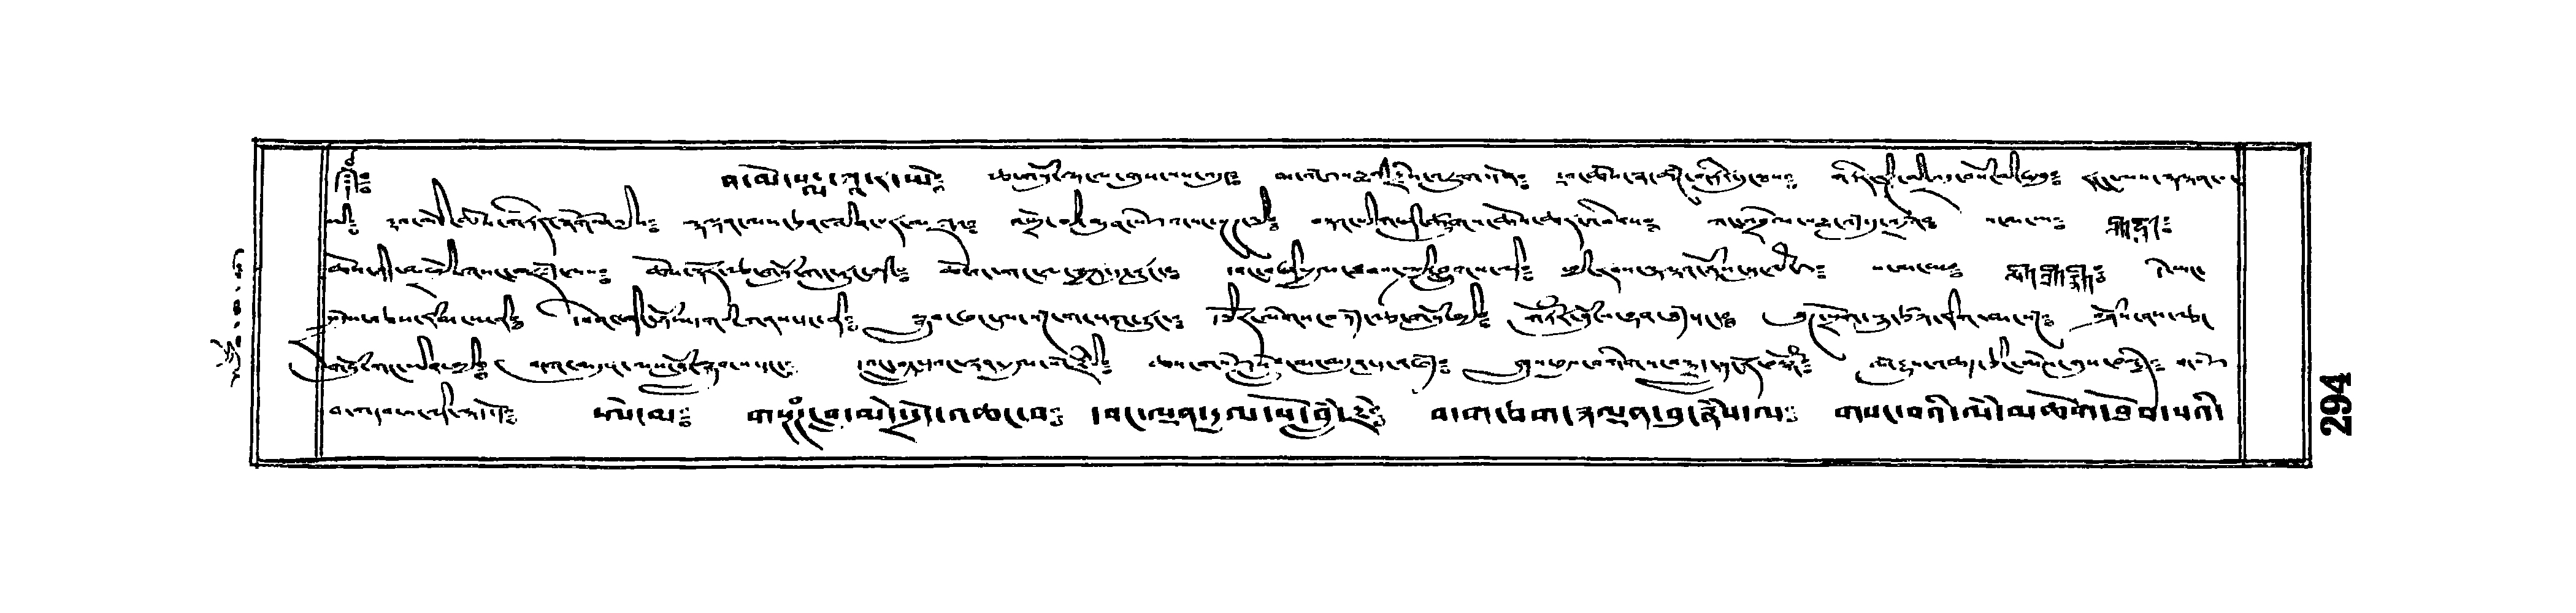ན་མོ་པདྨ་ཀཱ་ར་ཡེ༔ རྩ་གསུམ་ལྷ་ལ་གུས་པས་འདུད༔ མ་འོངས་པདྨའི་རྗེས་འཇུག་དོན༔ ཟབ་ཆོས་སྣ་ཚོགས་གཏེར་དུ་སྦས༔ གཏེར་རིགས་མི་འདྲ་བསམ་མི་ཁྱབ༔ རང་རང་ལས་སྐལ་ལྡན་པ་
ཡི༔ ཟབ་མོའི་ཆོས་གཏེར་སྣ་ཚོགས་ཀྱིས༔ སྐལ་ལྡན་ལས་ཅན་སྨིན་པར་མཛད༔ འགྲོ་བའི་མུན་སེལ་གསང་སྔགས་ཀྱི༔ བསྟན་པའི་གཞི་ཚུགས་ཆོས་ཆར་འབེབས༔ གང་འབྲེལ་པདྨ་འོད་དུ་འདྲེན༔ ས་མ་ཡ༔ 
ཆོས་ཉིད་མཁའ་འགྲོའི་གསང་མཛོད་ལས༔ ཆོས་སྐོར་རྩ་གསུམ་གང་རུང་གི༔ ཆོ་ག་གང་ལ་སྦྱར་དུ་རུང༔ དབང་བཞི་རྒྱལ་ཐབས་སྤྱི་བླུགས་འདི༔ ཕྱི་རབས་སྐལ་ལྡན་ཉམས་སུ་ལོངས༔ ས་མ་ཡ༔ དེ་ཡང་
སྤྲོས་བཅས་རིམ་པ་ནི༔ དབེན་ཞིང་ཉམས་དགའི་གནས་དང་ནི༔ སྒྲུབ་ཁང་ལ་སོགས་གང་དག་རུང༔ དཀྱིལ་འཁོར་ལེགས་བཀོད་རྩ་གསུམ་གྱི༔ གཏོར་མ་བུམ་པ་བྷན་ཐོད་དང༔ ཐུགས་སྲོག་སྐུ་ཙཀ་རིག་མ་སོགས༔ བཤམས་ནས་རྩ་
གསུམ་གང་ཡིན་གྱི༔ བདག་མདུན་ལས་བུམ་སྒྲུབ་པ་དང༔ དབང་བླང་དབང་ལྡན་རྒྱལ་པོ་རྗེའི༔ ཆས་གསོལ་སློབ་མ་མདུན་དུ་འཁོད༔ གྲུས་བྱས་བགེགས་བསྐྲད་སྲུང་ངོར་བསྒོམ༔ ལོ་རྒྱུས་འཆད་ཅིང་མོས་གུས་བསྐྱེད༔ གསོལ་
བ་གདབ་པ་འདི་སྐད་དོ༔ ཨེ་མ༔ གསང་སྔགས་བླ་མེད་དྲོད་འཆང་བ༔ དབང་ལྡན་རྒྱལ་པོ་བླ་མ་རྗེ༔ བདག་ཅག་སྐལ་ལྡན་བུ་རྣམས་ལ༔ གསང་བའི་ལམ་མཆོག་ཐོབ་པའི་